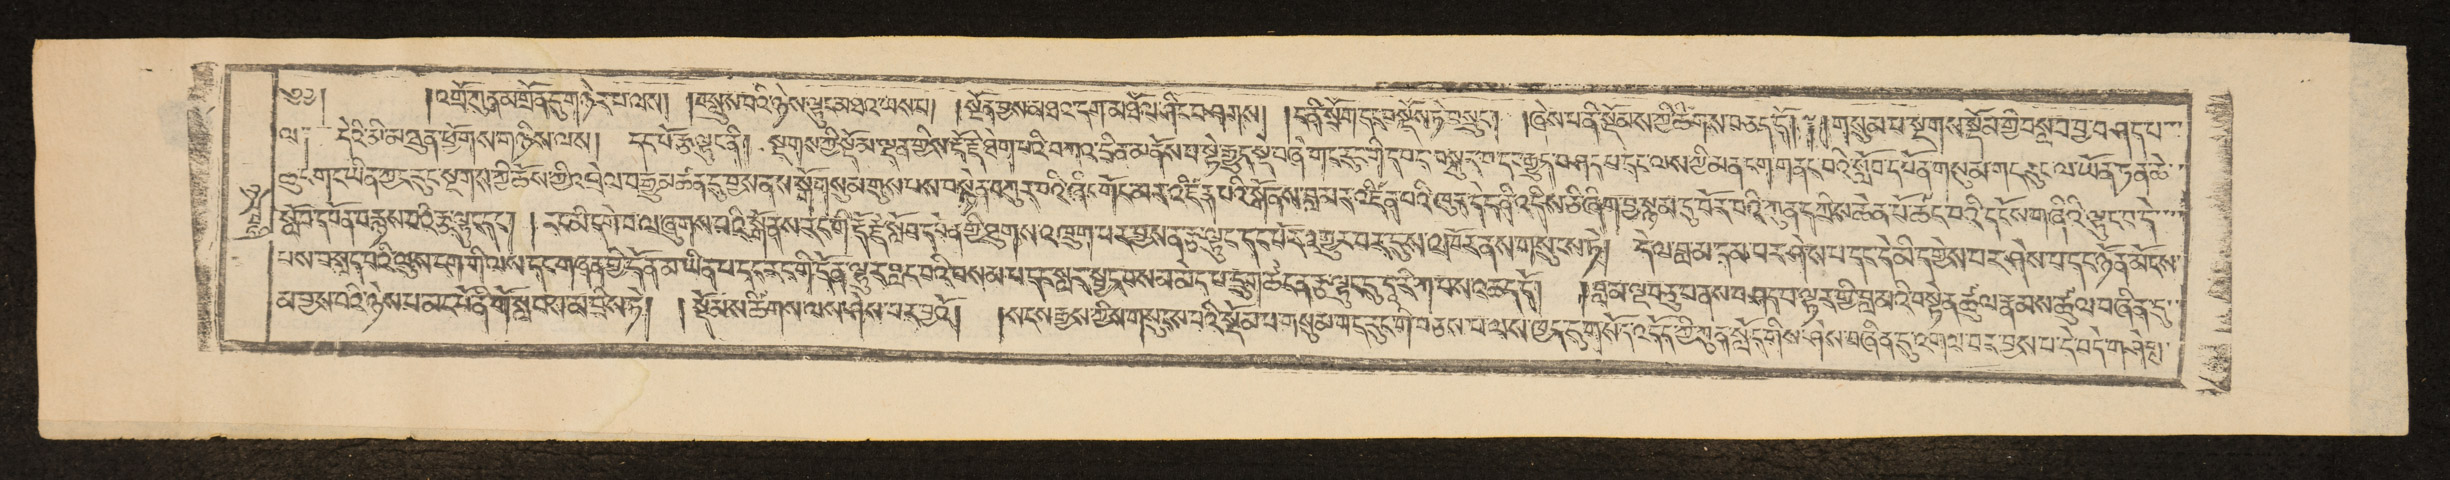༄༅། །འགྲོ་ཀུན་མགྲོན་དུ་གཉེར་པ་ལས། །བསླུས་པའི་ཉེས་ལྟུང་མཐའ་ཡས་པ། །སྔོན་བྱས་མཐའ་དག་མཐོལ་ཞིང་བཤགས། །ད་ནི་སྲོག་དང་བསྔོས་ཏེ་བསྲུང་། །ཞེས་པ་ནི་སྔོམས་ཀྱི་ཚིགས་བཅད་དོ། །གསུམ་པ་སྔགས་སྔོམ་གྱི་བསླབ་བྱ་བཤད་པ་
ལ༑ དེའི་མི་མཐུན་ཕྱོགས་གཉིས་ལས། དང་པོ་རྩ་ལྟུང་ནི། སྔགས་ཀྱི་སྔོམ་ལྡན་གྱིས་རྡོ་རྗེ་ཐེག་པའི་བཀའ་དྲིན་མནོས་པ་སྟེ་རྒྱུད་སྡེ་བཞི་གང་རུང་གི་དབང་བསྐུར་བ་དང་རྒྱུད་བཤད་པ་དང་ལས་ཀྱི་མན་ངག་གནང་བའི་སློབ་དཔོན་གསུམ་གང་རུང་ལ་ཡོན་ཏན་ཆེ་
ཆུང་གང་ཡིན་ཀྱང་རུང་སྔགས་ཀྱི་ཆོས་ཀྱི་འབྲེལ་བ་རྒྱུ་མཚན་དུ་བྱས་ནས་སྒོ་གསུམ་གུས་པས་བསྙེན་བཀུར་བའི་ཞིང་གོང་མར་འཛིན་པའི་སྒོ་ནས་བླ་མར་འཛིན་པའི་ཁུར་དེད་ནི་འདིས་ཅི་ཞིག་བྱ་སྙམ་དུ་བོར་བའི་ཀུན་དཀྲིས་ཆེན་པོ་ཚང་བའི་དངོས་གཞིའི་ལྟུང་བ་དེ་
སློབ་དཔོན་བརྙས་པའི་རྩ་ལྟུང་དང་། །རང་མི་དགེ་བ་ལ་ཞུགས་པའི་སྒོ་ནས་རང་གི་རྡོ་རྗེ་སློབ་དཔོན་གྱི་ཐུགས་འཁྲུག་པར་བྱས་ན་རྩ་ལྟུང་དང་པོར་འགྱུར་བར་དུས་འཁོར་ནས་གསུངས་ཏེ། དེ་ལ་བླ་མ་དམ་པར་ཤེས་པ་དང་དེ་མི་དགྱེས་པར་ཤེས་པ་དང་ཉོན་མོངས་
པས་བསླད་པའི་ལུས་ངག་གི་ལས་དང་གཞན་གྱི་དོན་མ་ཡིན་པ་དང་རང་གི་དོན་ལྟུར་བླང་བའི་བསམ་པ་དང་སླར་སྦྱང་བསམ་མེད་པ་དྲུག་ཚང་ན་རྩ་ལྟུང་དུ་དཱ་རི་ཀ་བས་འཆད་དོ། །བླ་མ་ལྔ་བཅུ་པ་ནས་བཤད་པ་ལྟར་གྱི་བླ་མའི་བསྟེན་ཚུལ་རྣམས་ཚུལ་བཞིན་དུ་
མ་བྱས་པའི་ཉེས་པ་མང་པོ་ནི་གོ་སླངས་མ་བྲིས་ཏེ། །སྔོམས་ཚིགས་ལས་ཤེས་པར་བྱའོ། །སངས་རྒྱས་ཀྱིས་གསུངས་པའི་སྔོམས་གསུམ་གང་རུང་གི་བཅས་པ་ལས་ཁྱད་དུ་གསོད་འདོད་ཀྱི་ཀུན་སློང་གིས་ཤེས་བཞིན་དུ་འགལ་བར་བྱས་པ་དེ་བདེ་གཤེགས་